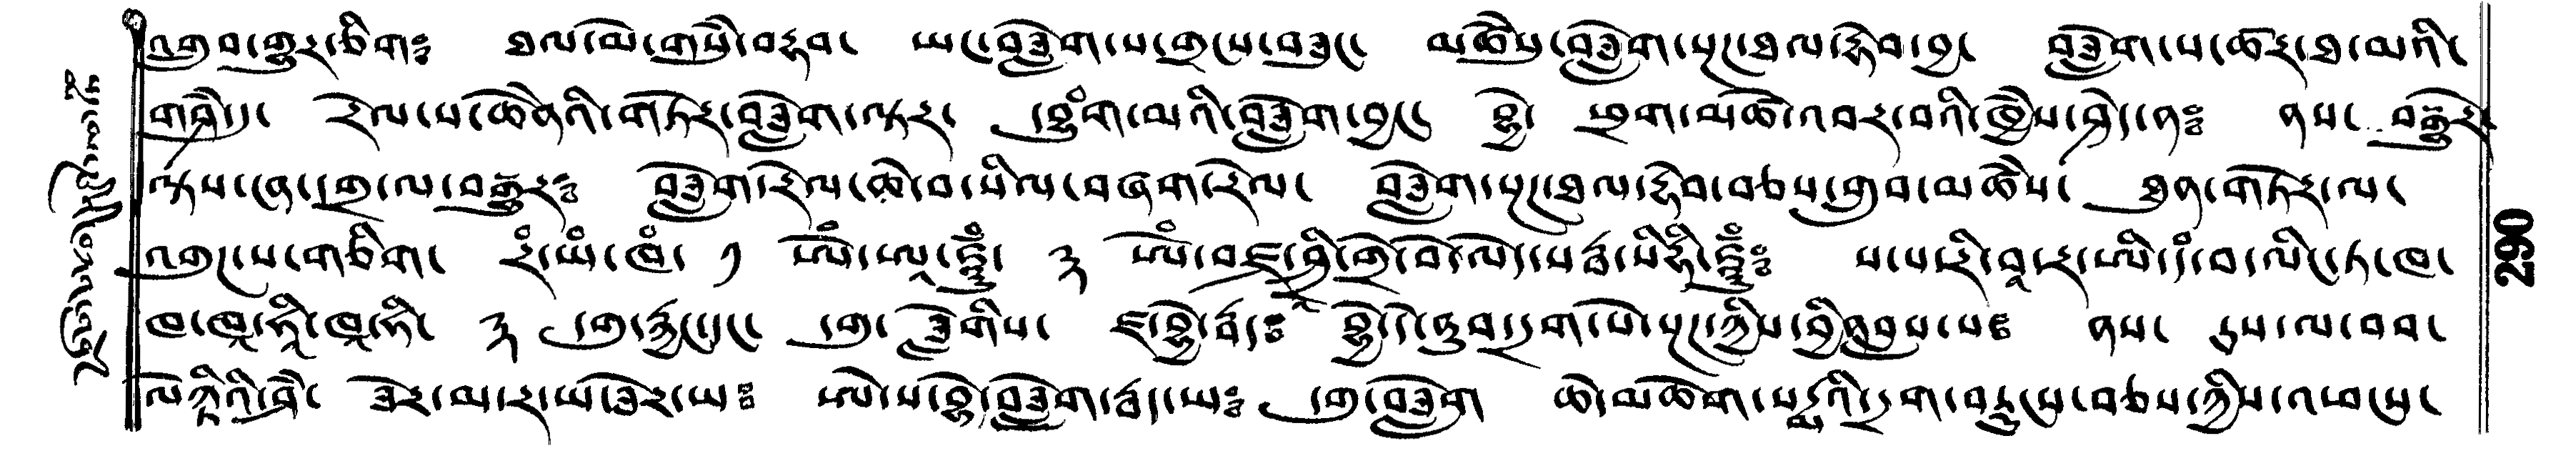འགྲུབ་གྱུར་ཅིག༔ ཅེས་ཐལ་མོ་གསུམ་བརྡབ། ཡང་བཟློག་པ་གྲངས་བཟུང་། མཚམས་སུ་བཟློག་སྔགས་ཐལ་རྡེབ་བྱ། བཟློག་པ་ཚར་ཐ་མའི་
གཤམ་དུ་རོལ་པ་ཆེན་པོའི་གཏོར་བཟློག་ལྟར་དབང་ཕྱུག་མའི་བཟློག་བྱང་།བྷྱོ༔ ཕྲག་མཚོ་འབར་བའི་ཁྱམས་ཤེད་ན༔ ནས། བསྒྱུར་རོ་
ལྟས་ངན་དགྲ་ལ་བསྒྱུར༔ བཟློག་རོལ་ཆེ་བ། སིལ། བཞག་རོལ། བཟློག་སྔགས་ཐལ་རྡེབ་བཅས་གྲུབ་མཚམས། ཐུན་གཏོར་ལ་
འགུགས་པ་གཅིག རྃ་ཡྃ་ཁྃ༔ གཅིག ཨོཾ་ཨཱ་ཧཱུྃ༔ གསུམ། ཨོཾ་བཛྲ་ཤྲཱི་གྲོ་བོ་ལོད་སརྦ་སིདྡྷི་ཧཱུྃ༔ ས་པ་རི་ཝ་ར་ཨི་དཾ་ལ་ལིངྟ་ཏ་ཁ་
ཁ་ཁཱ་ཧི་ཁཱ་ཧིཿ གསུམ། དགུ་རྐྱང་དང་། དགུ་ཟློག་གིས། ཛ་བྷྱོ་རྦདཿ བྷྱོ༔ དོ་ནུབ་དྲག་པོ་སྔགས་ཀྱིས་བྱིན་རླབས་པའིཿ ནས། དུས་ལ་བབ༔ 
ལོཀྟིའི་ཤམ། ཟོར་མ་ར་ཡ་ཟོར་ཡ༔ ཨེ་ས་བྷྱོ་བཟློག་རྦད་ཡ༔ དགུ་བཟློག ཆེ་མཆོག་པདྨ་དྲག་བརྡུང་བཅས་ཀྱིས་འཕངས།